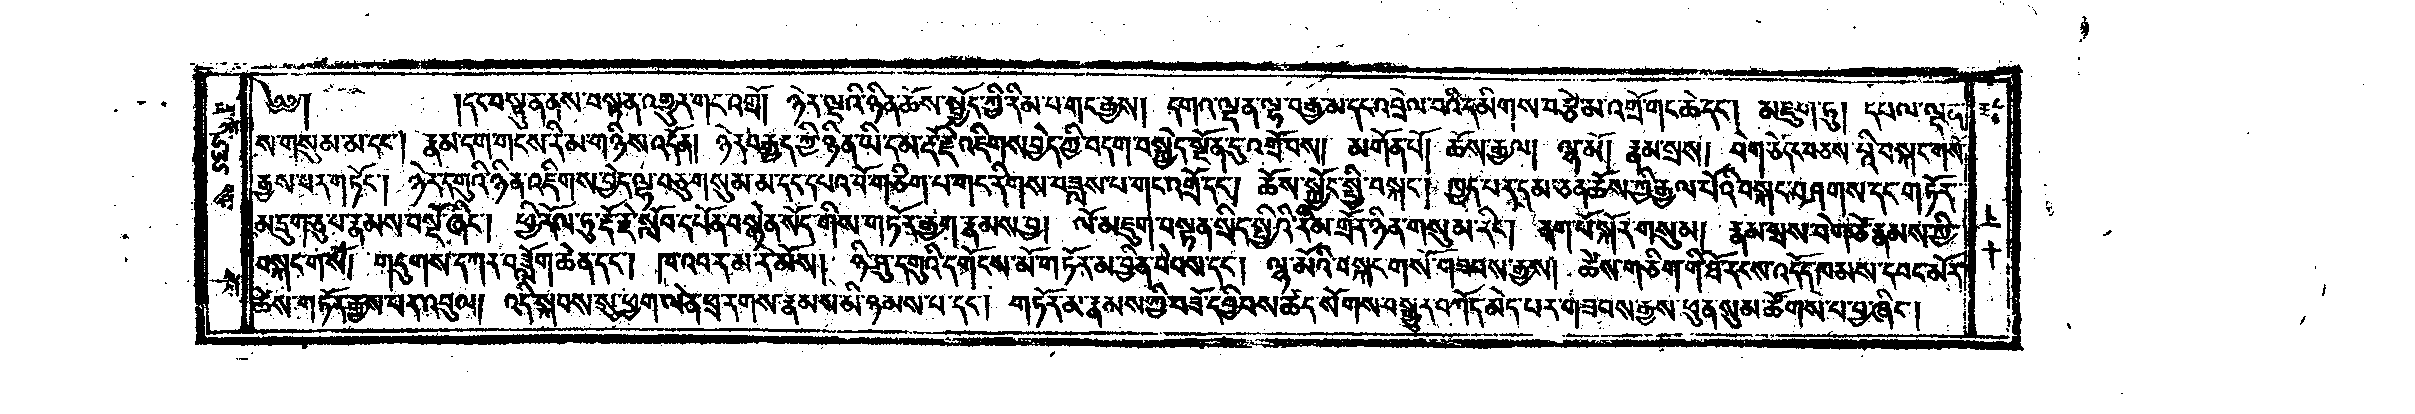༄༅། །དང་བསྟུན་ནས་བསྟན་འགྱུར་གང་འགྲོ། ཉེར་ལྔའི་ཉིན་ཆོས་སྤྱོད་ཀྱི་རིམ་པ་གང་རྒྱས། དགའ་ལྡན་ལྷ་བརྒྱ་མ་དང་འབྲེལ་བའི་དམིགས་བརྩེ་མ་འགྲོ་གང་ཆེ་དང་། མཇུག་ཏུ། དཔལ་ལྡན་
ས་གསུམ་མ་དང་། རྣམ་དག་གངས་རི་མ་གཉིས་འདོན། ཉེར་བརྒྱད་ཀྱི་ཉིན་ཡི་དམ་རྡོ་རྗེ་འཇིགས་བྱེད་ཀྱི་བདག་བསྐྱེད་སྔོན་དུ་འགྲོ་བས། མགོན་པོ། ཆོས་རྒྱལ། ལྷ་མོ། རྣམ་སྲས། བེག་ཙེ་དང་བཅས་པཱི་བསྐང་གསོ་
རྒྱས་པར་གཏོང་། ཉེར་དགུའི་ཉིན་འཇིགས་བྱེད་ལྷ་བཅུ་གསུམ་མ་དང་དཔའ་བོ་གཅིག་པ་གང་རིགས་བཟླས་པ་གང་འགྲོ་དང་། ཆོས་སྐྱོང་སྤྱི་བསྐང་། ཁྱད་པར་དམ་ཅན་ཆོས་ཀྱི་རྒྱལ་པོའི་བསྐང་བཤགས་དང་གཏོར་
མ་དྲུག་ཅུ་པ་རྣམས་བསྔོ་ཞིང་། ཕྱི་རོལ་ཏུ་རྡོ་རྗེ་སློབ་དཔོན་བསྙེན་སོང་གིས་གཏོར་རྒྱག་རྣམས་བྱ། ལོ་མཇུག་བསྟན་སྲིད་སྤྱིའི་རིམ་གྲོར་ཉིན་གསུམ་རིང་། ནག་པོ་སྐོར་གསུམ། རྣམ་སྲས་བེག་ཙེ་རྣམས་ཀྱི་
བསྐང་གསོ། གདུགས་དཀར་བཟློག་ཆེན་དང་། ཁ་འབར་མ་རེ་མོས། ཉི་ཤུ་དགུའི་དགོངས་མོ་གཏོར་མ་བྱིན་བེབས་དང་། ལྷ་མོའི་བསྐང་གསོ་གཟབས་རྒྱས། ཚེས་གཅིག་གི་ཐོ་རངས་འདོད་ཁམས་དབང་མོར་
ཚེས་གཏོར་རྒྱས་པར་འབུལ། འདི་སྐབས་སུ་ཕྱག་ལེན་ཕྲ་རགས་རྣམས་མི་ཉམས་པ་དང་། གཏོར་མ་རྣམས་ཀྱི་བཟོ་དབྱིབས་ཚང་སོགས་བསྒྱུར་བཀོད་མེད་པར་གཟབས་རྒྱས་ཕུན་སུམ་ཚོགས་པ་བྱ་ཞིང་།